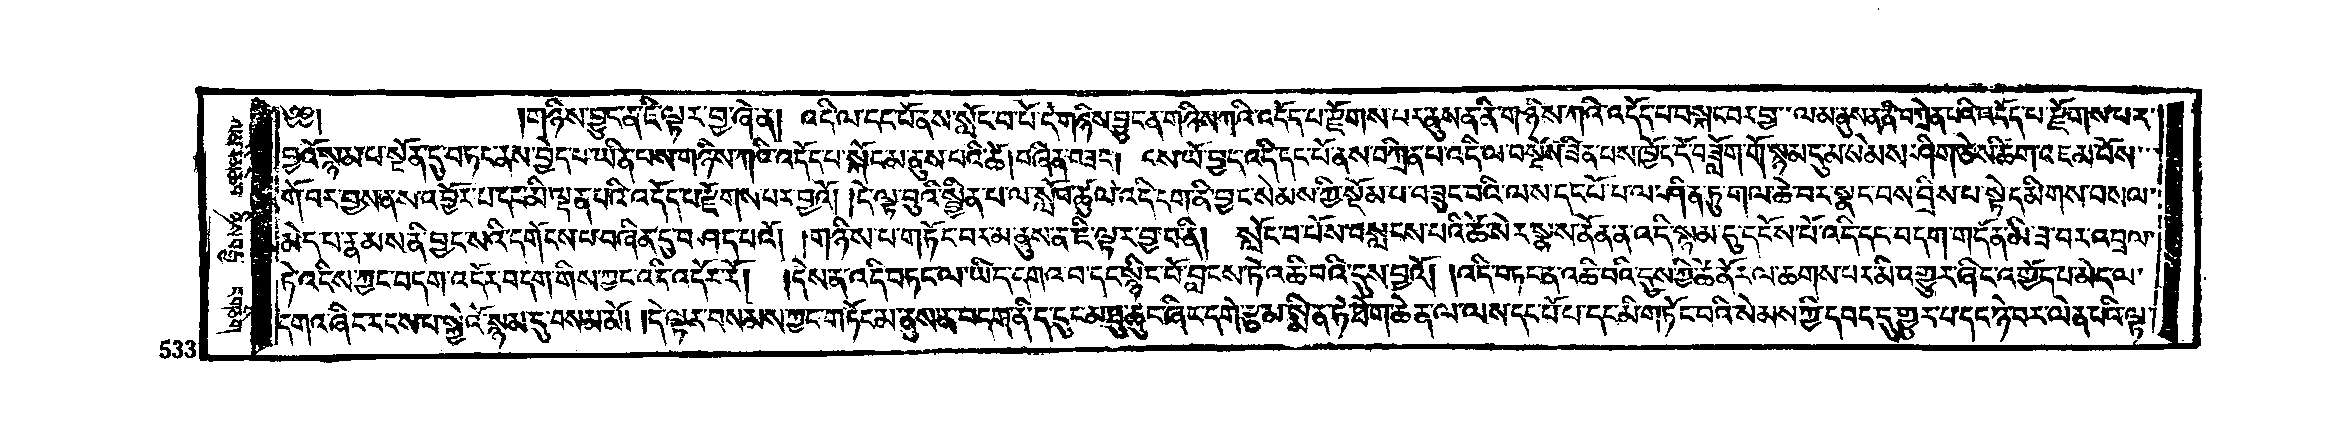༄༅། །གཉིས་བྱུང་ན་ཇི་ལྟར་བྱ་ཞེ་ན། འདི་ལ་དང་པོ་ནས་སློང་བ་པོ་དེ་གཉིས་བྱུང་ན་གཉིས་ཀའི་འདོད་པ་རྫོགས་པར་ནུས་ན་ནི་གཉིས་ཀའི་འདོད་པ་བསྐང་བར་བྱ་ལ་མ་ནུས་ན་ནི་བཀྲེན་པའི་འདོད་པ་རྫོགས་པར་
བྱའོ་སྙམ་པ་སྔོན་དུ་བཏང་ནས་བྱེད་པ་ཡིན་པས་གཉིས་ཀའི་འདོད་པ་སྐོང་མ་ནུས་པའི་ཚེ། བཞིན་བཟང་། ངས་ཡོ་བྱད་འདི་དང་པོ་ནས་བཀྲེན་པ་འདི་ལ་བསྔོས་ཟིན་པས་ཁྱོད་དོ་བཟློག་གོ་སྙམ་དུ་མ་སེམས་ཤིག་ཅེས་ཚིག་འཇམ་པོས་
གོ་བར་བྱས་ནས་འབྱོར་པ་དང་མི་ལྡན་པའི་འདོད་པ་རྫོགས་པར་བྱའོ། །དེ་ལྟ་བུའི་སྦྱིན་པ་ལ་སློབ་ཚུལ་འདི་དག་ནི་བྱང་སེམས་ཀྱི་སྡོམ་པ་བཟུང་བའི་ལས་དང་པོ་བ་ལ་ཤིན་ཏུ་གལ་ཆེ་བར་སྣང་བས་བྲིས་པ་སྟེ་དམིགས་བསལ་
མེད་པ་རྣམས་ནི་བྱང་སའི་དགོངས་པ་བཞིན་དུ་བཤད་པའོ། །གཉིས་པ་གཏོང་བར་མ་ནུས་ན་ཇི་ལྟར་བྱ་བ་ནི། སློང་བ་པོས་བསླངས་པའི་ཚེ་སེར་སྣས་ནོན་ན་འདི་སྙམ་དུ་དངོས་པོ་འདི་དང་བདག་གདོན་མི་ཟ་བར་འབྲལ་
ཏེ་འདིས་ཀྱང་བདག་འདོར་བདག་གིས་ཀྱང་འདི་འདོར་རོ། །དེས་ན་འདི་བཏང་ལ་ཡིད་དགའ་བ་དང་སྙིང་པོ་བླངས་ཏེ་འཆི་བའི་དུས་བྱའོ། །འདི་བཏང་ན་འཆི་བའི་དུས་ཀྱི་ཚེ་ནོར་ལ་ཆགས་པར་མི་འགྱུར་ཞིང་འགྱོད་པ་མེད་ལ་
དགའ་ཞིང་རངས་པ་སྐྱེའོ་སྙམ་དུ་བསམ་མོ། །དེ་ལྟར་བསམས་ཀྱང་གཏོང་མ་ནུས་ན་བདག་ནི་ད་དུང་མཐུ་ཆུང་ཞིང་དགེ་རྩ་མ་སྨིན་ཏེ་ཐེག་ཆེན་ལ་ལས་དང་པོ་བ་དང་མི་གཏོང་བའི་སེམས་ཀྱི་དབང་དུ་གྱུར་པ་དང་ཉེ་བར་ལེན་པའི་ལྟ་